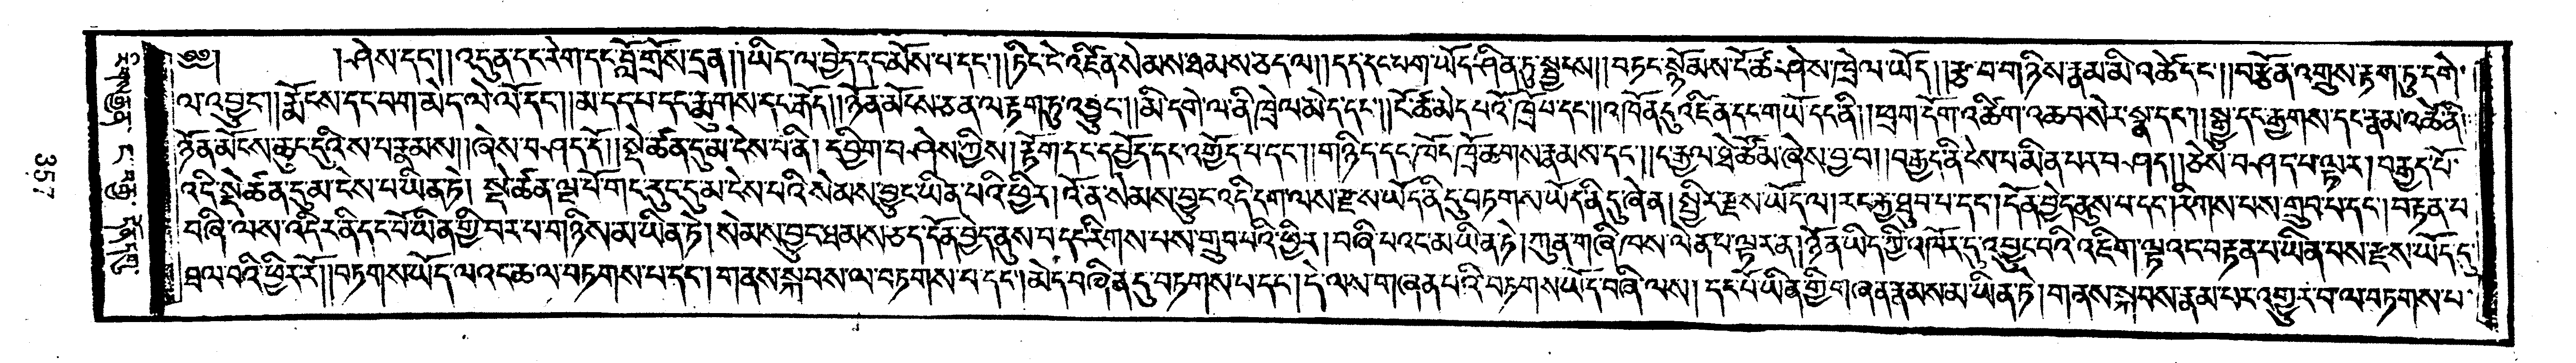༄༅། །ཤེས་དང་། །འདུན་དང་རེག་དང་བློ་གྲོས་དྲན། །ཡིད་ལ་བྱེད་དང་མོས་པ་དང་། །ཏིང་ངེ་འཛིན་སེམས་ཐམས་ཅད་ལ། །དད་དང་བག་ཡོད་ཤིན་ཏུ་སྦྱངས། །བཏང་སྙོམས་ངོ་ཚ་ཤེས་ཁྲེལ་ཡོད། །རྩ་བ་གཉིས་རྣམ་མི་འཚེ་དང་། །བརྩོན་འགྲུས་རྟག་ཏུ་དགེ་
ལ་འབྱུང་། །རྨོངས་དང་བག་མེད་ལེ་ལོ་དང་། །མ་དད་པ་དང་རྨུགས་དང་རྒོད། །ཉོན་མོངས་ཅན་ལ་རྟག་ཏུ་འབྱུང་། །མི་དགེ་ལ་ནི་ཁྲེལ་མེད་དང་། །ངོ་ཚ་མེད་པའོ་ཁྲོ་བ་དང་། །འཁོན་དུ་འཛིན་དང་གཡོ་དང་ནི། །ཕྲག་དོག་འཚིག་འཆབ་སེར་སྣ་དང་། །སྒྱུ་དང་རྒྱགས་དང་རྣམ་འཚེ་ནི། །
ཉོན་མོངས་ཆུང་ངུའི་ས་པ་རྣམས། །ཞེས་བཤད་དོ། །སྡེ་ཚན་དུ་མ་ངེས་པ་ནི། དབྱིག་བཤེས་ཀྱིས། རྟོག་དང་དཔྱོད་དང་འགྱོད་པ་དང་། །གཉིད་དང་ཁོང་ཁྲོ་ཆགས་རྣམས་དང་། །ང་རྒྱལ་ཐེ་ཚོམ་ཞེས་བྱ་བ། །བརྒྱད་ནི་ངེས་པ་མིན་པར་བཤད། །ཅེས་བཤད་པ་ལྟར། བརྒྱད་པོ་
འདི་སྡེ་ཚན་དུ་མ་ངེས་པ་ཡིན་ཏེ། སྡེ་ཚན་ལྔ་པོ་གང་རུང་དུ་མ་ངེས་པའི་སེམས་བྱུང་ཡིན་པའི་ཕྱིར། འོ་ན་སེམས་བྱུང་འདི་དག་ལས་རྫས་ཡོད་ནི་དུ་བཏགས་ཡོད་ནི་དུ་ཞེ་ན། སྤྱིར་རྫས་ཡོད་ལ། རང་རྐྱ་ཐུབ་པ་དང་། དོན་བྱེད་ནུས་པ་དང་། རིགས་པས་གྲུབ་པ་དང་། བརྟན་པ་
བཞི་ལས་འདིར་ནི་དང་པོ་ཡིན་གྱི་བར་པ་གཉིས་མ་ཡིན་ཏེ། སེམས་བྱུང་ཐམས་ཅད་དོན་བྱེད་ནུས་པ་དང་རིགས་པས་གྲུབ་པའི་ཕྱིར། བཞི་པའང་མ་ཡིན་ཏེ། ཀུན་གཞི་ཁས་ལེན་པ་ལྟར་ན། ཉོན་ཡིད་ཀྱི་འཁོར་དུ་འབྱུང་བའི་འཇིག་ལྟའང་བརྟན་པ་ཡིན་པས་རྫས་ཡོད་དུ་
ཐལ་བའི་ཕྱིར་རོ། །བཏགས་ཡོད་ལའང་ཆ་ལ་བཏགས་པ་དང་། གནས་སྐབས་ལ་བཏགས་པ་དང་། མེད་བཞིན་དུ་བཏགས་པ་དང་། དེ་ལས་གཞན་པའི་བཏགས་ཡོད་བཞི་ལས། དང་པོ་ཡིན་གྱི་གཞན་རྣམས་མ་ཡིན་ཏེ། གནས་སྐབས་རྣམ་པར་འགྱུར་བ་ལ་བཏགས་པ་